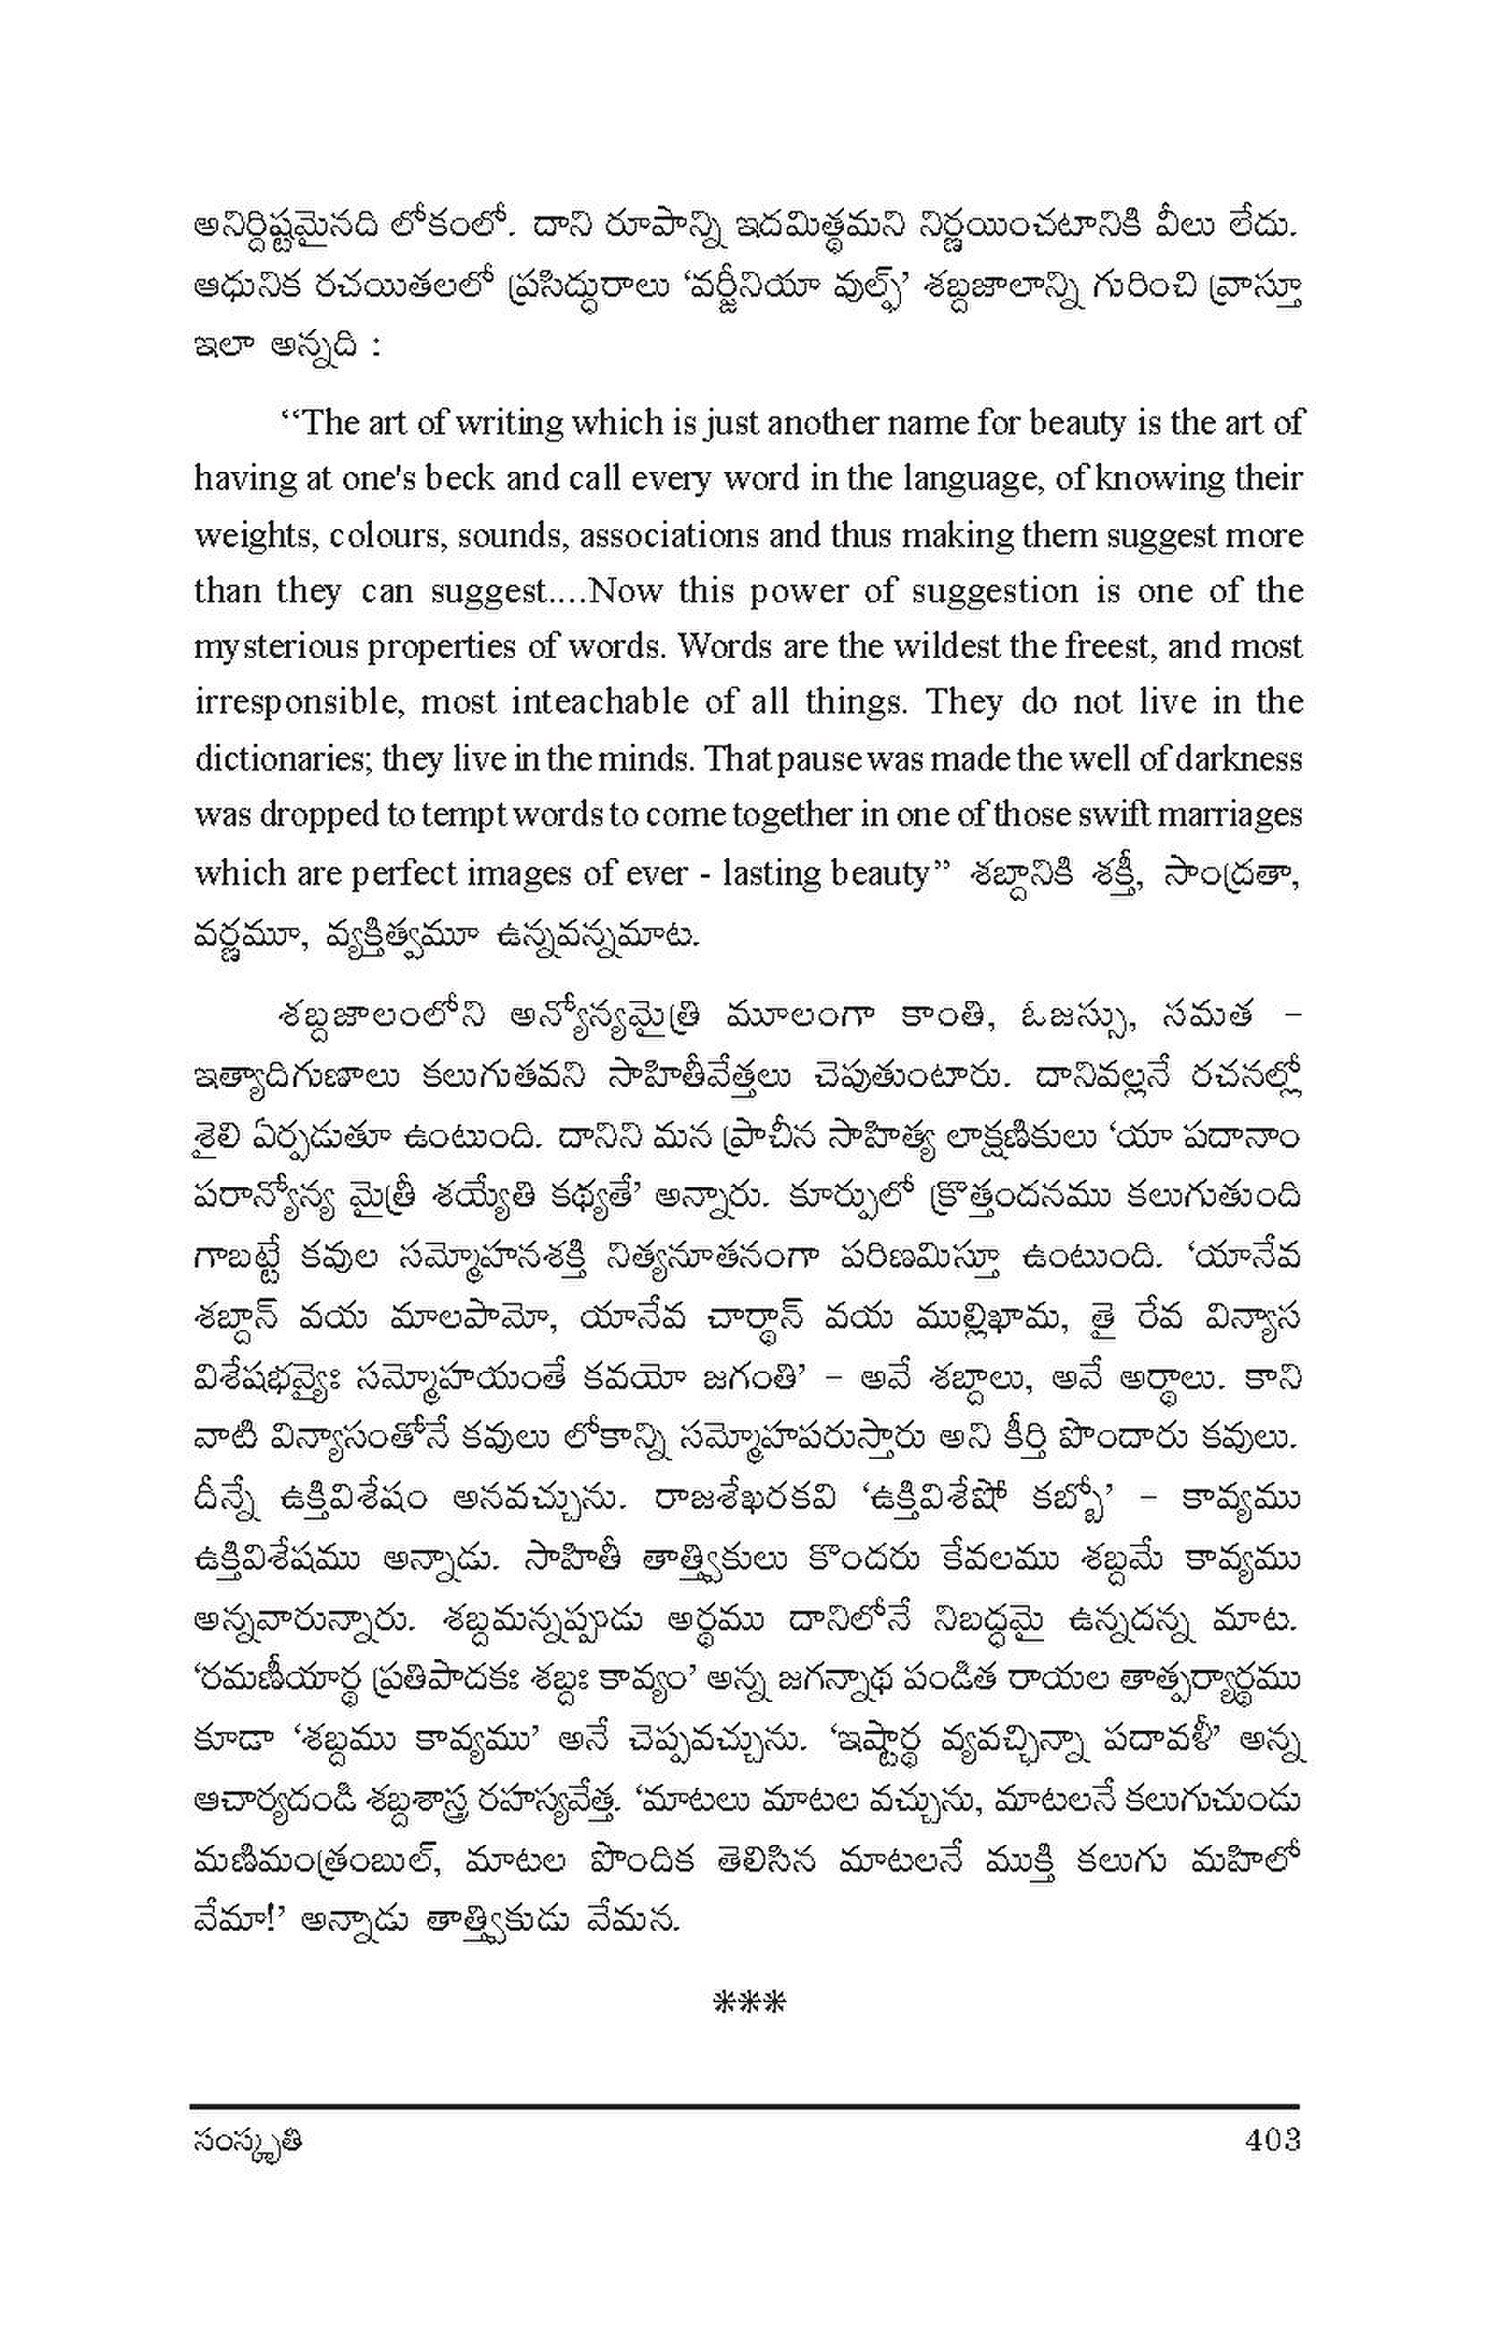అనిర్దిష్టమైనది లోకంలో. దాని రూపాన్ని ఇదమిత్థమని నిర్ణయించటానికి వీలు లేదు.
ఆధునిక రచయితలలో ప్రసిద్ధురాలు 'వర్జీనియా వుల్ఫ్' శబ్దజాలాన్ని గురించి వ్రాస్తూ
ఇలా అన్నది :

"The art of writing which is just another name for beauty is the art of
having at one's beck and call every word in the language, of knowing their
weights, colours, sounds, associations and thus making them suggest more
than they can suggest....Now this power of suggestion is one of the
mysterious properties of words. Words are the wildest the freest, and most
irresponsible, most inteachable of all things. They do not live in the
dictionaries; they live in the minds. That pause was made the well of darkness
was dropped to tempt words to come together in one of those swift marriages
which are perfect images of ever - lasting beauty" శబ్దానికి శక్తి, సాంద్రతా,
వర్ణమూ, వ్యక్తిత్వమూ ఉన్నవన్నమాట.

శబ్దజాలంలోని అన్యోన్యమైత్రి మూలంగా కాంతి, ఓజస్సు, సమత
ఇత్యాది గుణాలు కలుగుతవని సాహితీవేత్తలు చెపుతుంటారు. దానివల్లనే రచనల్లో
శైలి ఏర్పడుతూ ఉంటుంది. దానిని మన ప్రాచీన సాహిత్య లాక్షణికులు 'యా పదానాం
పరాన్యోన్య మైత్రీ శయ్యేతి కథ్యతే' అన్నారు. కూర్పులో క్రొత్తందనము కలుగుతుంది
గాబట్టే కవుల సమ్మోహనశక్తి నిత్యనూతనంగా పరిణమిస్తూ ఉంటుంది. 'యానేవ
శబ్దాన్ వయ మాలపామో, యానేవ చార్థాన్ వయ ముల్లిఖామ, తై రేవ విన్యాస
విశేషభవ్యైః సమ్మోహయంతే కవయో జగంతి' - అనే శబ్దాలు, అనే
అర్థాలు. కాని
వాటి విన్యాసంతోనే కవులు లోకాన్ని సమ్మోహపరుస్తారు అని కీర్తి పొందారు కవులు.
దీన్నే ఉక్తివిశేషం అనవచ్చును. రాజశేఖరకవి 'ఉక్తివిశేషో కబ్బో' కావ్యము
ఉక్తివిశేషము అన్నాడు. సాహితీ తాత్త్వికులు కొందరు కేవలము శబ్దమే కావ్యము
అన్నవారున్నారు. శబ్దమన్నప్పుడు అర్థము దానిలోనే నిబద్ధమై ఉన్నదన్న మాట.
'రమణీయార్థ ప్రతిపాదకః శబ్దః కావ్యం' అన్న జగన్నాథ పండిత రాయల తాత్పర్యార్థము
కూడా 'శబ్దము కావ్యము' అనే చెప్పవచ్చును. 'ఇష్టార్థ వ్యవఛ్ఛిన్నా పదావళీ' అన్న
ఆచార్యదండి శబ్దశాస్త్ర రహస్యవేత్త. 'మాటలు మాటలు వచ్చును, మాటలనే కలుగుచుండు
మణిమంత్రంబుల్, మాటల పొందిక తెలిసిన మాటలనే ముక్తి కలుగు మహిలో
వేమా!' అన్నాడు తాత్త్వికుడు వేమన.